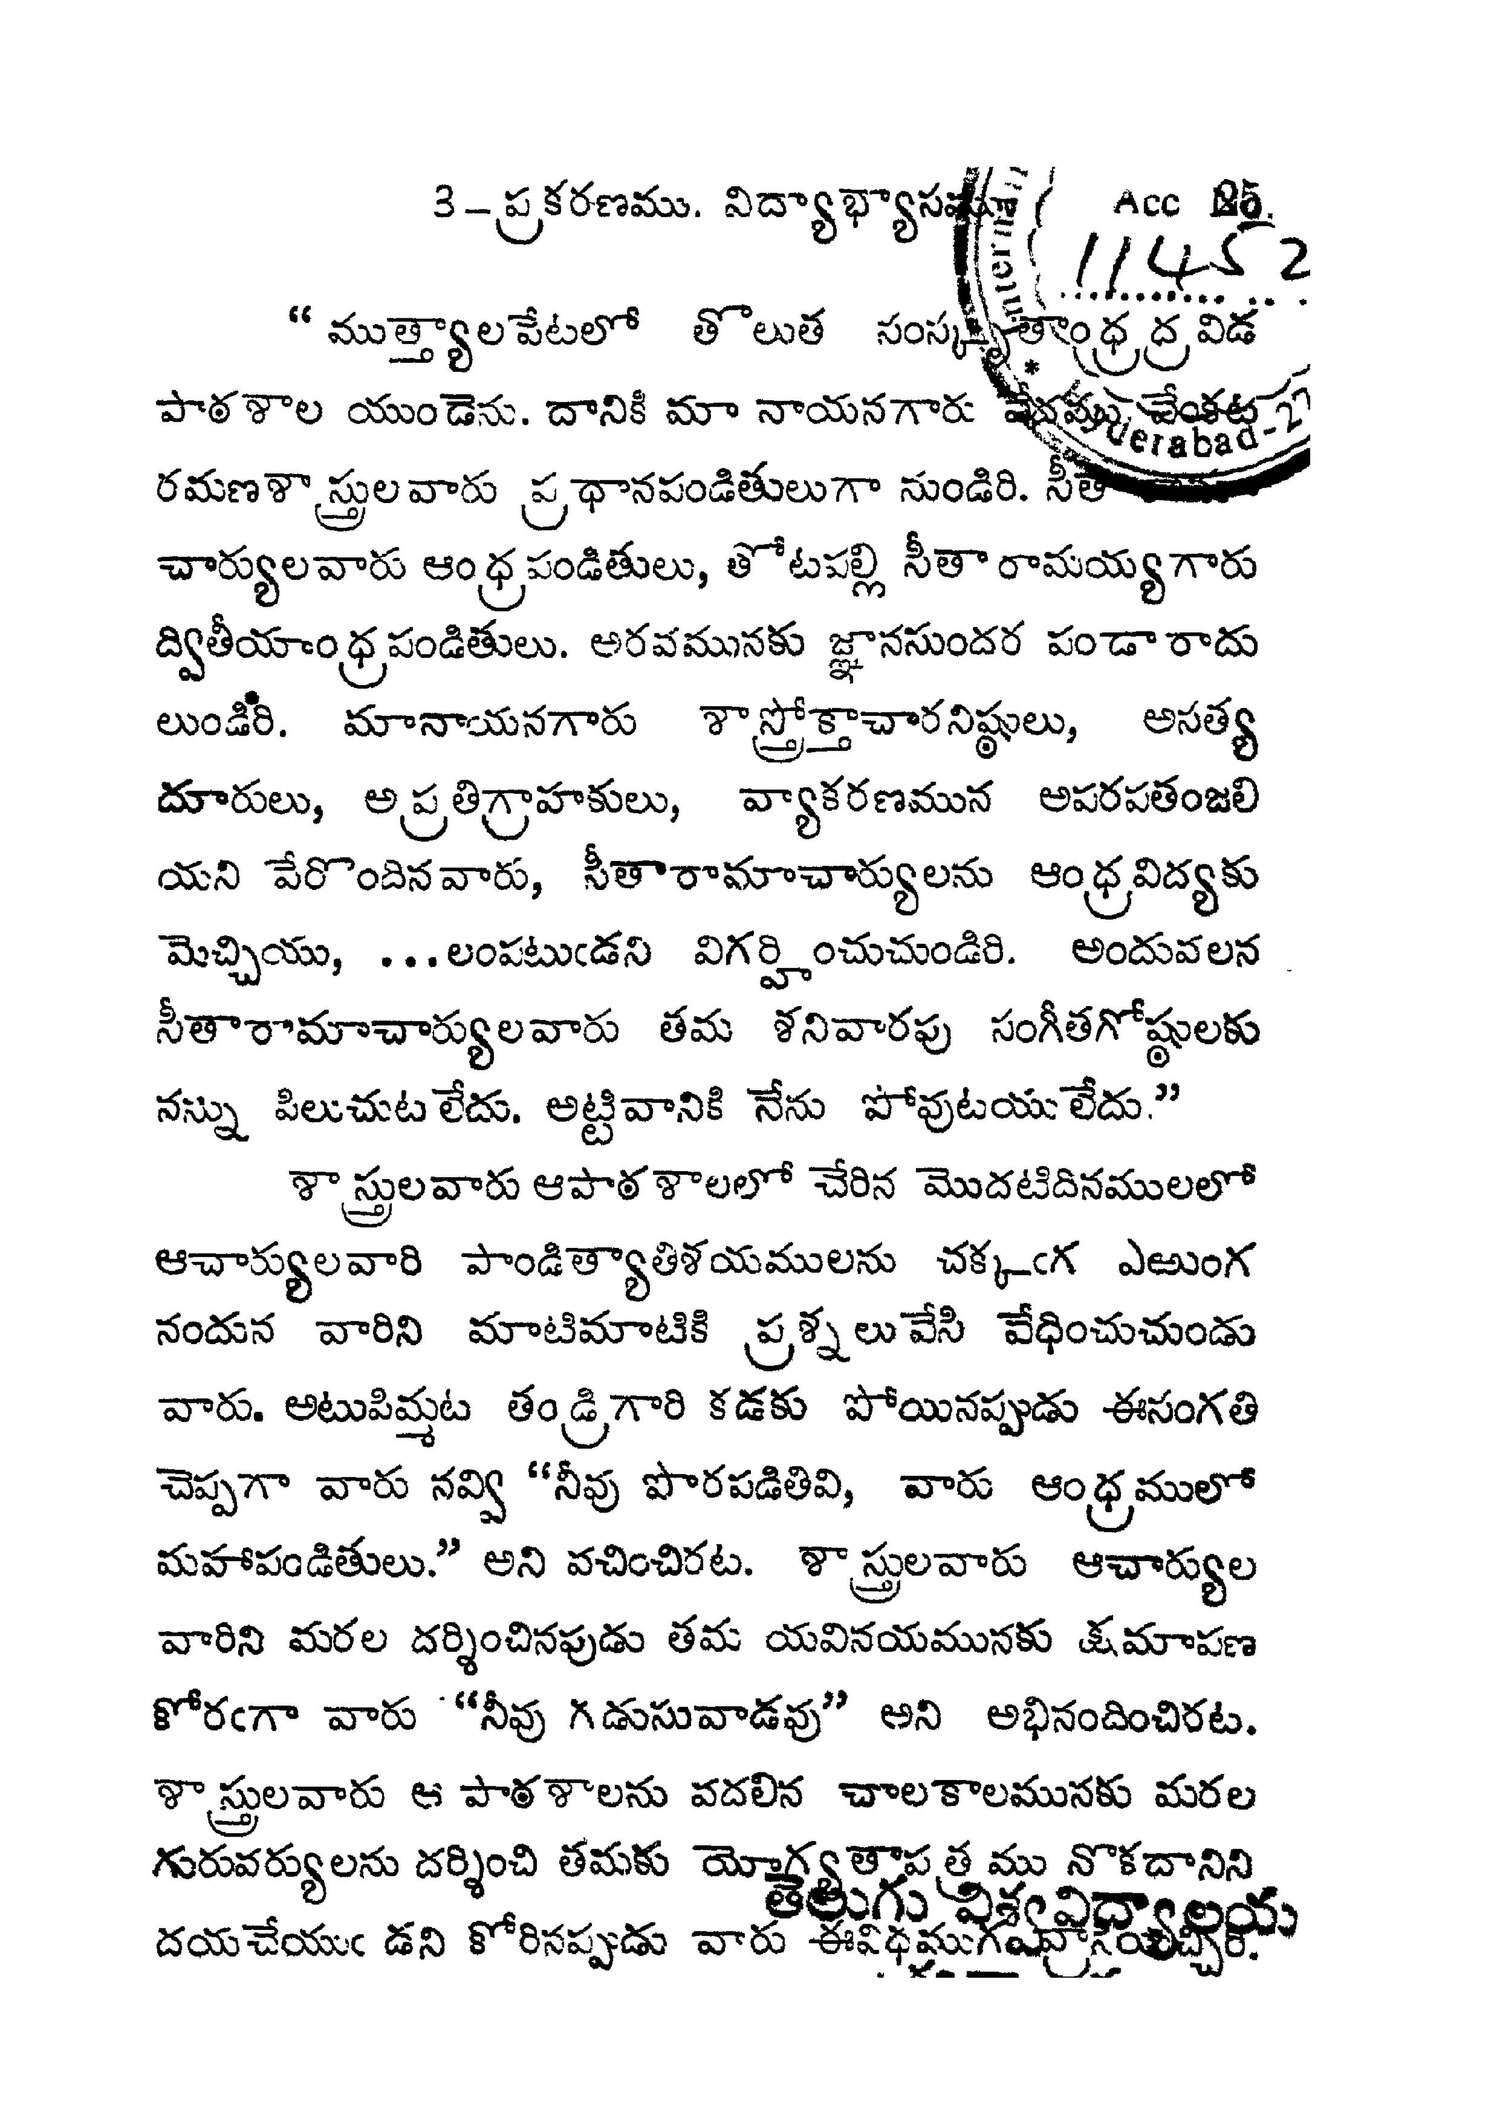"ముత్త్యాలపేటలో తొలుత సంస్కృతాంధ్రద్రవిడ పాఠశాల యుండెను. దానికి మా నాయనగారు వేదము వేంకటరమణశాస్త్రులవారు ప్రథానపండితులుగా నుండిరి. సీతారామచార్యులవారు ఆంధ్రపండితులు, తోటపల్లి సీతారామయ్యగారు ద్వితీయాంధ్రపండితులు. అరవమునకు జ్ఞానసుందర పండా రాదులుండిరి. మానాయనగారు శాస్త్రోక్తాచారనిష్ఠులు, అసత్య దూరులు, అప్రతిగ్రాహకులు, వ్యాకరణమున అపరపతంజలి యని పేరొందినవారు, సీతారామచార్యులను ఆంధ్రవిద్యకు మెచ్చియు, ...లంపటుడని విగర్హించుచుండిరి. అందువలన సీతారామాచార్యులవారు తమ శనివారపు సంగీతగోష్థులకు నన్ను పిలుచుట లేదు. అట్టివానికి నేను పోవుటయులేదు."

శాస్త్రులవారు ఆపాఠశాలలో చేరిన మొదటిదినములలో ఆచార్యులవారి పాండిత్యాతిశయములను చక్కగ ఎఱుంగ నందున వారిని మాటిమాటికి ప్రశ్నలువేసి వేధించుచుండువారు. అటుపిమ్మట తండ్రిగారి కడకు పోయినప్పుడు ఈసంగతి చెప్పగా వారు నవ్వి "నీవు పొరపడితివి, వారు ఆంధ్రములో మహాపండితులు." అని వచించిరట. శాస్త్రులవారు ఆచార్యుల వారిని మరల దర్శించినపుడు తమ యవినయమునకు క్షమాపణ కోరగా వారు "నీవు గడుసువాడవు" అని అభినందించిరట. శాస్త్రులవారు ఆ పాఠశాలను వదలిన చాలకాలమునకు మరల గువర్యులను దర్శించి తమకు యోగ్యతాపత్రము నొకదానిని దయచేయు డని కోరినప్పుడు వారు ఈవిధముగ వ్రాసియిచ్చిరి.